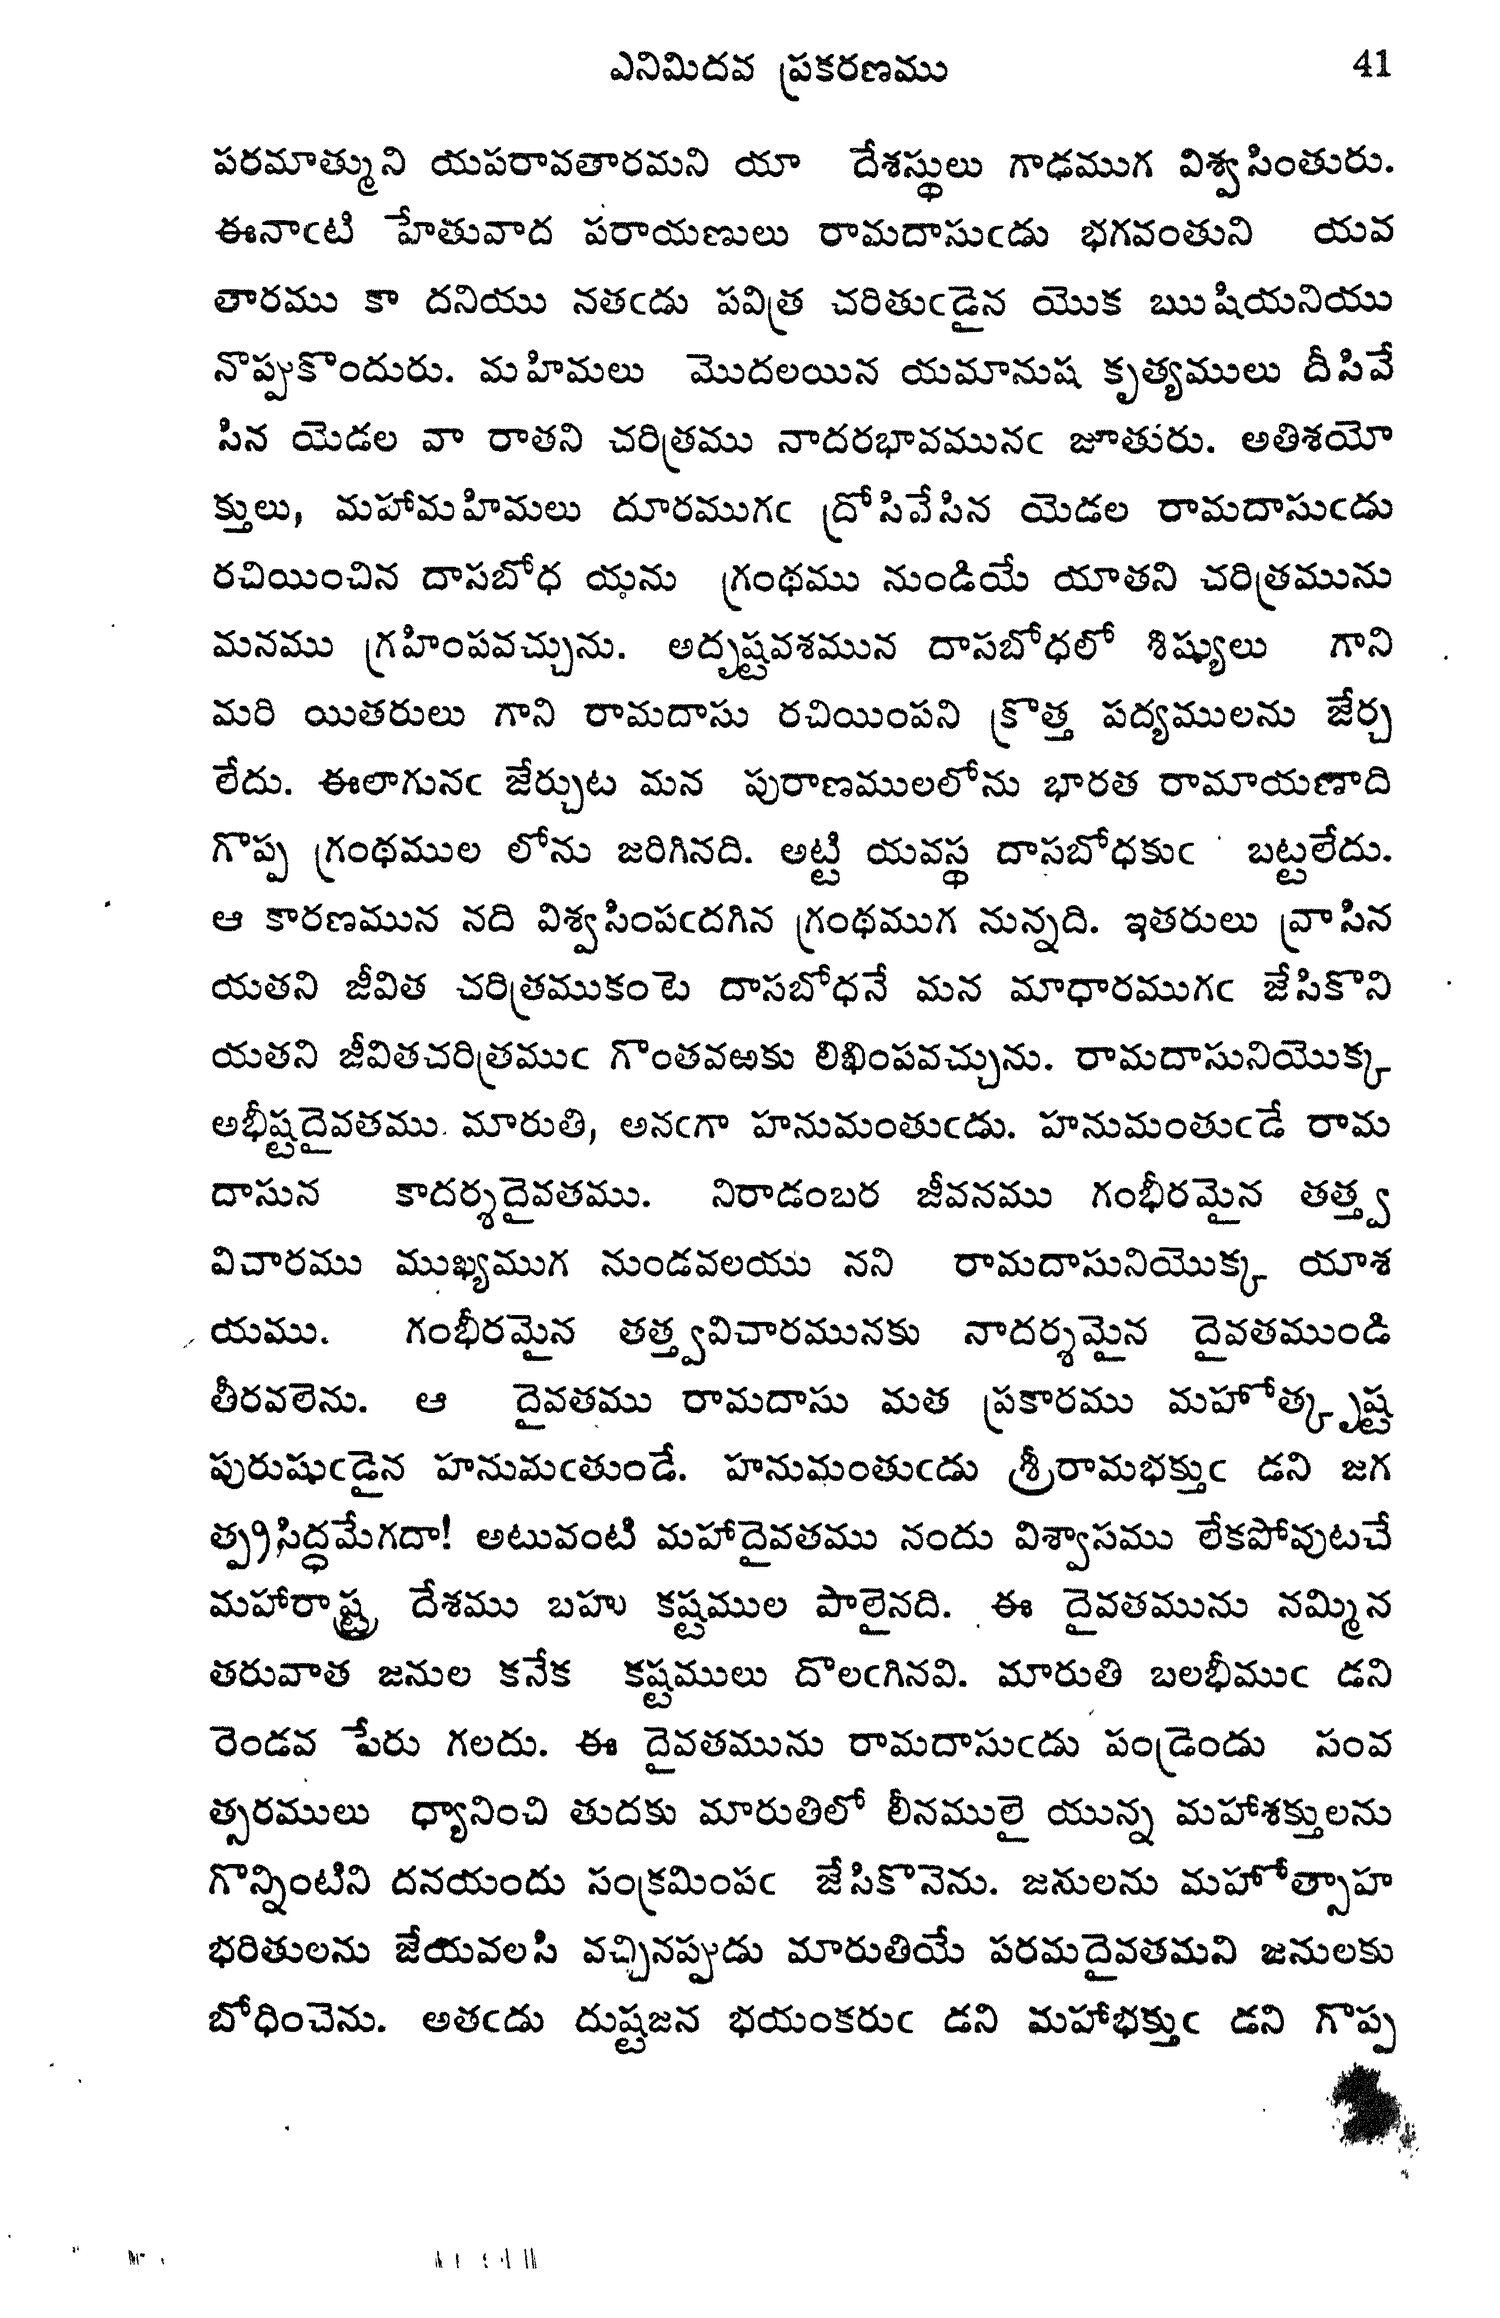పరమాత్ముని యపరావతారమని యా దేశస్థులు గాడముగ విశ్వసింతురు. ఈనాటి హేతువాద పరాయణులు రామదాసుడు భగవంతుని యవతారము కా దనియు నతడు పవిత్ర చరితుడైన యొక ఋషియనియు నొప్పుకొందురు. మహిమలు మొదలయిన యమానుష కృత్యములు దీసివేసిన యెడల వా రాతని చరిత్రము నాదరభావమున జూతురు. అతిశయోక్తులు, మహామహిమలు దూరముగా ద్రోసివేసిన యెడల రామదాసుడు రచియించిన దాసబోధ యను గ్రంథము నుండియే యాతని చరిత్రమును మనము గ్రహింపవచ్చును. అదృష్టవశమున దాసబోధలో శిష్యులు గాని మరి యితరులు గాని రామదాసు రచియింపని క్రొత్త పద్యములను జేర్చలేదు. ఈలాగున జేర్చుట మన పురాణములలోను భారత రామాయణాది గొప్ప గ్రంథముల లోను జరిగినది. అట్టి యవస్థ దాసబోధకు బట్టలేదు. ఆ కారణమున నది విశ్వసింపదగిన గ్రంథముగ నున్నది. ఇతరులు వ్రాసిన యతని జీవిత చరిత్రముకంటె దాసబోధనే మన మాధారముగ జేసికొని యతని జీవితచరిత్రము గొంతవఱకు లిఖింపవచ్చును. రామదాసునియొక్క అభీష్టదైవతము మారుతి, అనగా హనుమంతుడు. హనుమంతుడే రామదాసున కాదర్శదైవతము. నిరాడంబర జీవనము గంభీరమైన తత్త్వవిచారము ముఖ్యముగ నుండవలయు నని రామదాసునియొక్క యాశయము. గంభీరమైన తత్త్వవిచారమునకు నాదర్శమైన దైవతముండితీరవలెను. ఆ దైవతము రామదాసు మత ప్రకారము మహోత్కృష్ట పురుషుడైన హనుమతుండే. హనుమంతుడు శ్రీరామభక్తు డని జగత్ప్రసిద్ధమేగదా! అటువంటి మహాదైవతము నందు విశ్వాసము లేకపోవుటచే మహారాష్ట్ర దేశము బహు కష్టముల పాలైనది. ఈ దైవతమును నమ్మిన తరువాత జనుల కనేక కష్టములు దొలగినవి. మారుతి బలభీము డని రెండవ పేరు గలదు. ఈ దైవతమును రామదాసుడు పండ్రెండు సంవత్సరములు ధ్యానించి తుదకు మారుతిలో లీనములై యున్న మహాశక్తులను గొన్నింటిని దనయందు సంక్రమింప జేసికొనెను. జనులను మహోత్సాహభరితులను జేయవలసి వచ్చినప్పుడు మారుతియే పరమదైవతమని జనులకు బోధించెను. ఆతడు దుష్టజన భయంకరు డని మహాభక్తు డని గొప్ప